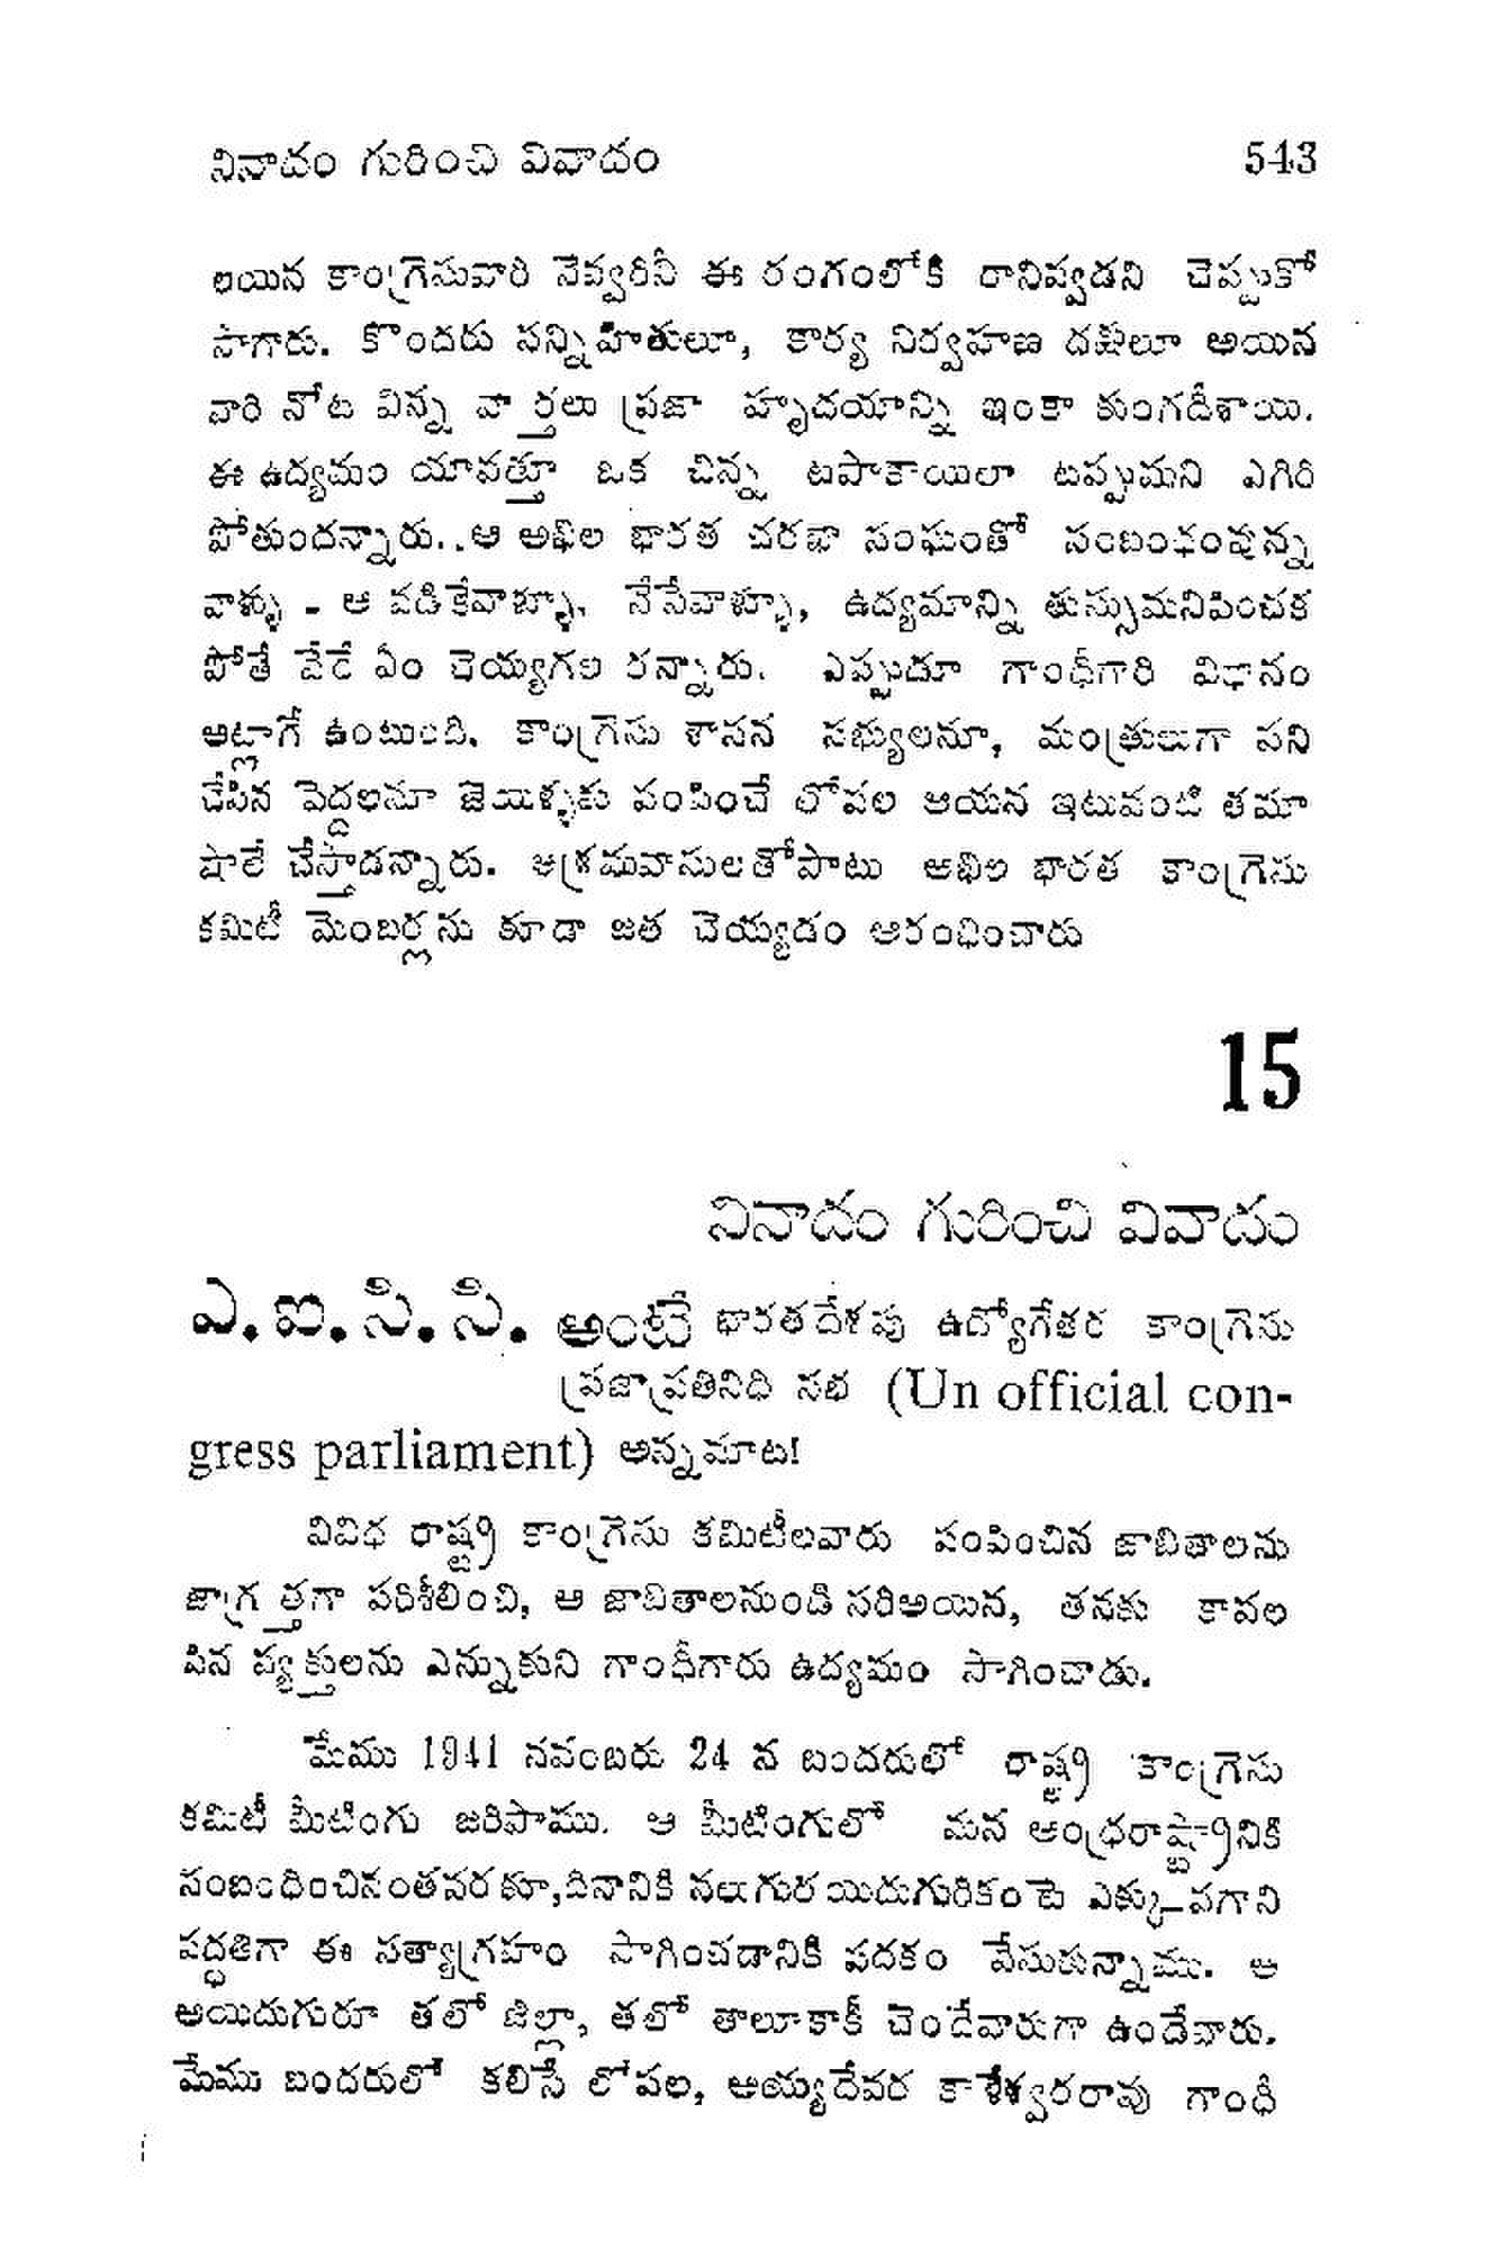లయిన కాంగ్రెసు వారి నెవ్వరినీ ఈ రంగంలోకి రానివ్వడని చెప్పుకోసాగారు. కొందరు సన్నిహితులూ, కార్య నిర్వహణ దక్షులూ అయినవారి నోట విన్న వార్తలు ప్రజా హృదయాన్ని ఇంకా కుంగదీశాయి. ఈ ఉద్యమం యావత్తూ ఒక చిన్న టపాకాయిలా టప్పుమని ఎగిరి పోతుందన్నారు. ఆ అఖిల భారత చరఖా సంఘంతో సంబంధంవున్న వాళ్ళు - ఆ వడికేవాళ్ళూ, నేసేవాళ్ళూ, ఉద్యమాన్ని తుస్సుమనిపించకపోతే వేరే ఏం చెయ్యగల రన్నారు. ఎప్పుడూ గాంధీగారి విధానం అట్లాగే ఉంటుంది. కాంగ్రెసు శాసన సభ్యులనూ, మంత్రులుగా పనిచేసిన పెద్దలనూ జెయిళ్ళకు పంపించే లోపల ఆయన ఇటువంటి తమాషాలే చేస్తాడన్నారు. ఆశ్రమ వాసులతోపాటు అఖిల భారత కాంగ్రెసు కమిటీ మెంబర్లను కూడా జత చెయ్యడం ఆరంభించారు.

ఎ. ఐ. సి. సి. అంటే భారతదేశపు ఉద్యోగేతర కాంగ్రెసు ప్రజాప్రతినిధి సభ (Un official congress parliament) అన్నమాట!

వివిధ రాష్ట్ర కాంగ్రెసు కమిటీలవారు పంపించిన జాబితాలను జాగ్రత్తగా పరిశీలించి, ఆ జాబితాల నుండి సరి అయిన, తనకు కావలసిన వ్యక్తులను ఎన్నుకుని గాంధీగారు ఉద్యమం సాగించాడు.

మేము 1941 నవంబరు 24 న బందరులో రాష్ట్ర కాంగ్రెసు కమిటీ మీటింగు జరిపాము. ఆ మీటింగులో మన ఆంధ్రరాష్ట్రానికి సంబంధించినంతవరకూ, దినానికి నలుగురయిదుగురి కంటె ఎక్కువగాని పద్ధతిగా ఈ సత్యాగ్రహం సాగించడానికి పదకం వేసుకున్నాము. ఆ అయిదుగురూ తలో జిల్లా, తలో తాలూకాకీ చెందేవారుగా ఉండేవారు. మేము బందరులో కలిసే లోపల, అయ్యదేవర కాళేశ్వరరావు గాంధీ